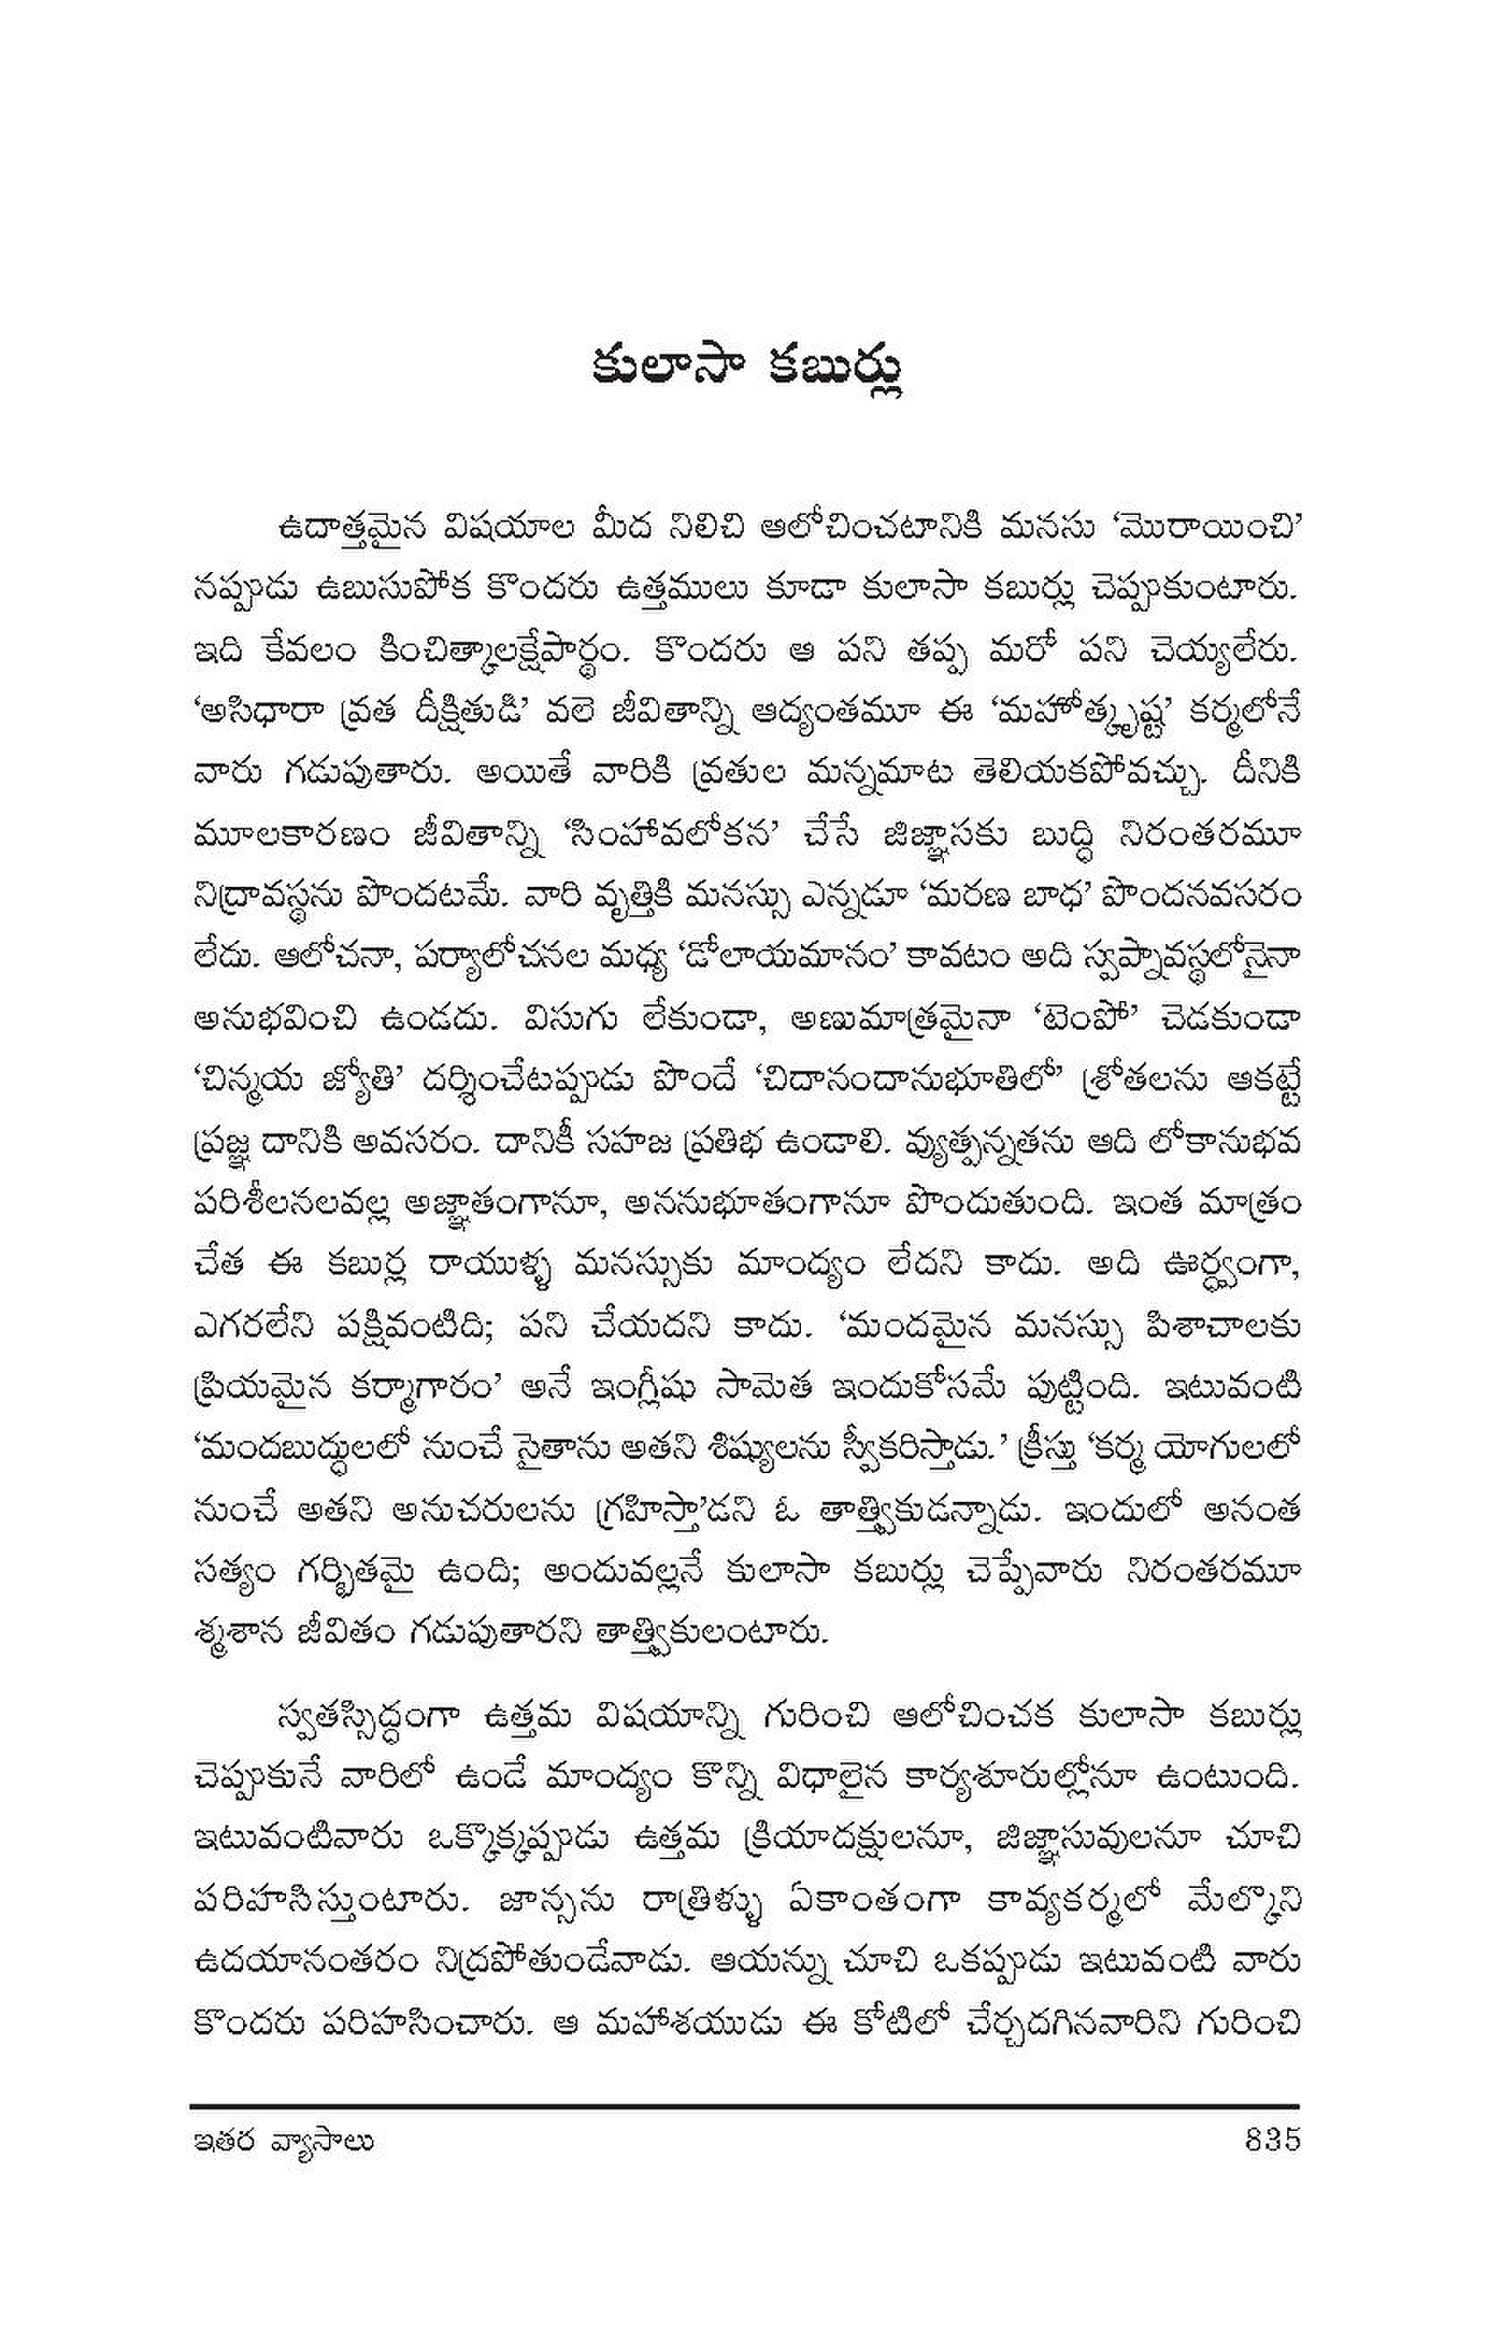ఉదాత్తమైన విషయాల మీద నిలిచి అలోచించటానికి మనసు 'మొరాయించి'
నప్పుడు ఉబుసుపోక కొందరు ఉత్తములు కూడా కులాసా కబుర్లు చెప్పుకుంటారు.
ఇది కేవలం కించిత్కాలక్షేపార్థం. కొందరు ఆ పని తప్ప మరో పని చెయ్యలేరు.
‘అసిధారా వ్రత దీక్షితుడి’ వలె జీవితాన్ని ఆద్యంతమూ ఈ 'మహోత్కృష్ట' కర్మలోనే
వారు గడుపుతారు. అయితే వారికి వ్రతుల మన్నమాట తెలియకపోవచ్చు. దీనికి
మూలకారణం జీవితాన్ని 'సింహావలోకన' చేసే జిజ్ఞాసకు బుద్ధి నిరంతరమూ
నిద్రావస్థను పొందటమే. వారి వృత్తికి మనస్సు ఎన్నడూ 'మరణ బాధ' పొందనవసరం
లేదు. ఆలోచనా, పర్యాలోచనల మధ్య 'డోలాయమానం' కావటం అది స్వప్నావస్థలోనైనా
అనుభవించి ఉండదు. విసుగు లేకుండా, అణుమాత్రమైనా 'టెంపో' చెడకుండా
'చిన్మయ జ్యోతి' దర్శించేటప్పుడు పొందే 'చిదానందానుభూతిలో శ్రోతలను ఆకట్టే
ప్రజ్ఞ దానికి అవసరం. దానికీ సహజ ప్రతిభ ఉండాలి. వ్యుత్పన్నతను అది లోకానుభవ
పరిశీలనలవల్ల అజ్ఞాతంగానూ, అననుభూతంగానూ పొందుతుంది. ఇంత మాత్రం
చేత ఈ కబుర్ల రాయుళ్ళ మనస్సుకు మాంద్యం లేదని కాదు. అది ఊర్ధ్వంగా,
ఎగరలేని పక్షివంటిది; పని చేయదని కాదు. 'మందమైన మనస్సు పిశాచాలకు
ప్రియమైన కర్మాగారం' అనే ఇంగ్లీషు సామెత ఇందుకోసమే పుట్టింది. ఇటువంటి
‘మందబుద్ధులలో నుంచే సైతాను అతని శిష్యులను స్వీకరిస్తాడు.' క్రీస్తు 'కర్మ యోగులలో
నుంచే అతని అనుచరులను గ్రహిస్తాడని ఓ తాత్వికుడన్నాడు. ఇందులో అనంత
సత్యం గర్భితమై ఉంది; అందువల్లనే కులాసా కబుర్లు చెప్పేవారు నిరంతరమూ
శ్మశాన జీవితం గడుపుతారని తాత్త్వికులంటారు.

స్వతస్సిద్ధంగా ఉత్తమ విషయాన్ని గురించి ఆలోచించక కులాసా కబుర్లు
చెప్పుకునే వారిలో ఉండే మాంద్యం కొన్ని విధాలైన కార్యశూరుల్లోనూ ఉంటుంది.
ఇటువంటివారు ఒక్కొక్కప్పుడు ఉత్తమ క్రియాదక్షులనూ, జిజ్ఞాసువులనూ చూచి
పరిహసిస్తుంటారు. జాన్సను రాత్రిళ్ళు ఏకాంతంగా కావ్యకర్మలో మేల్కొని
ఉదయానంతరం నిద్రపోతుండేవాడు. ఆయన్ను చూచి ఒకప్పుడు ఇటువంటి వారు
కొందరు పరిహసించారు. ఆ మహాశయుడు ఈ కోటిలో చేర్చదగినవారిని గురించి